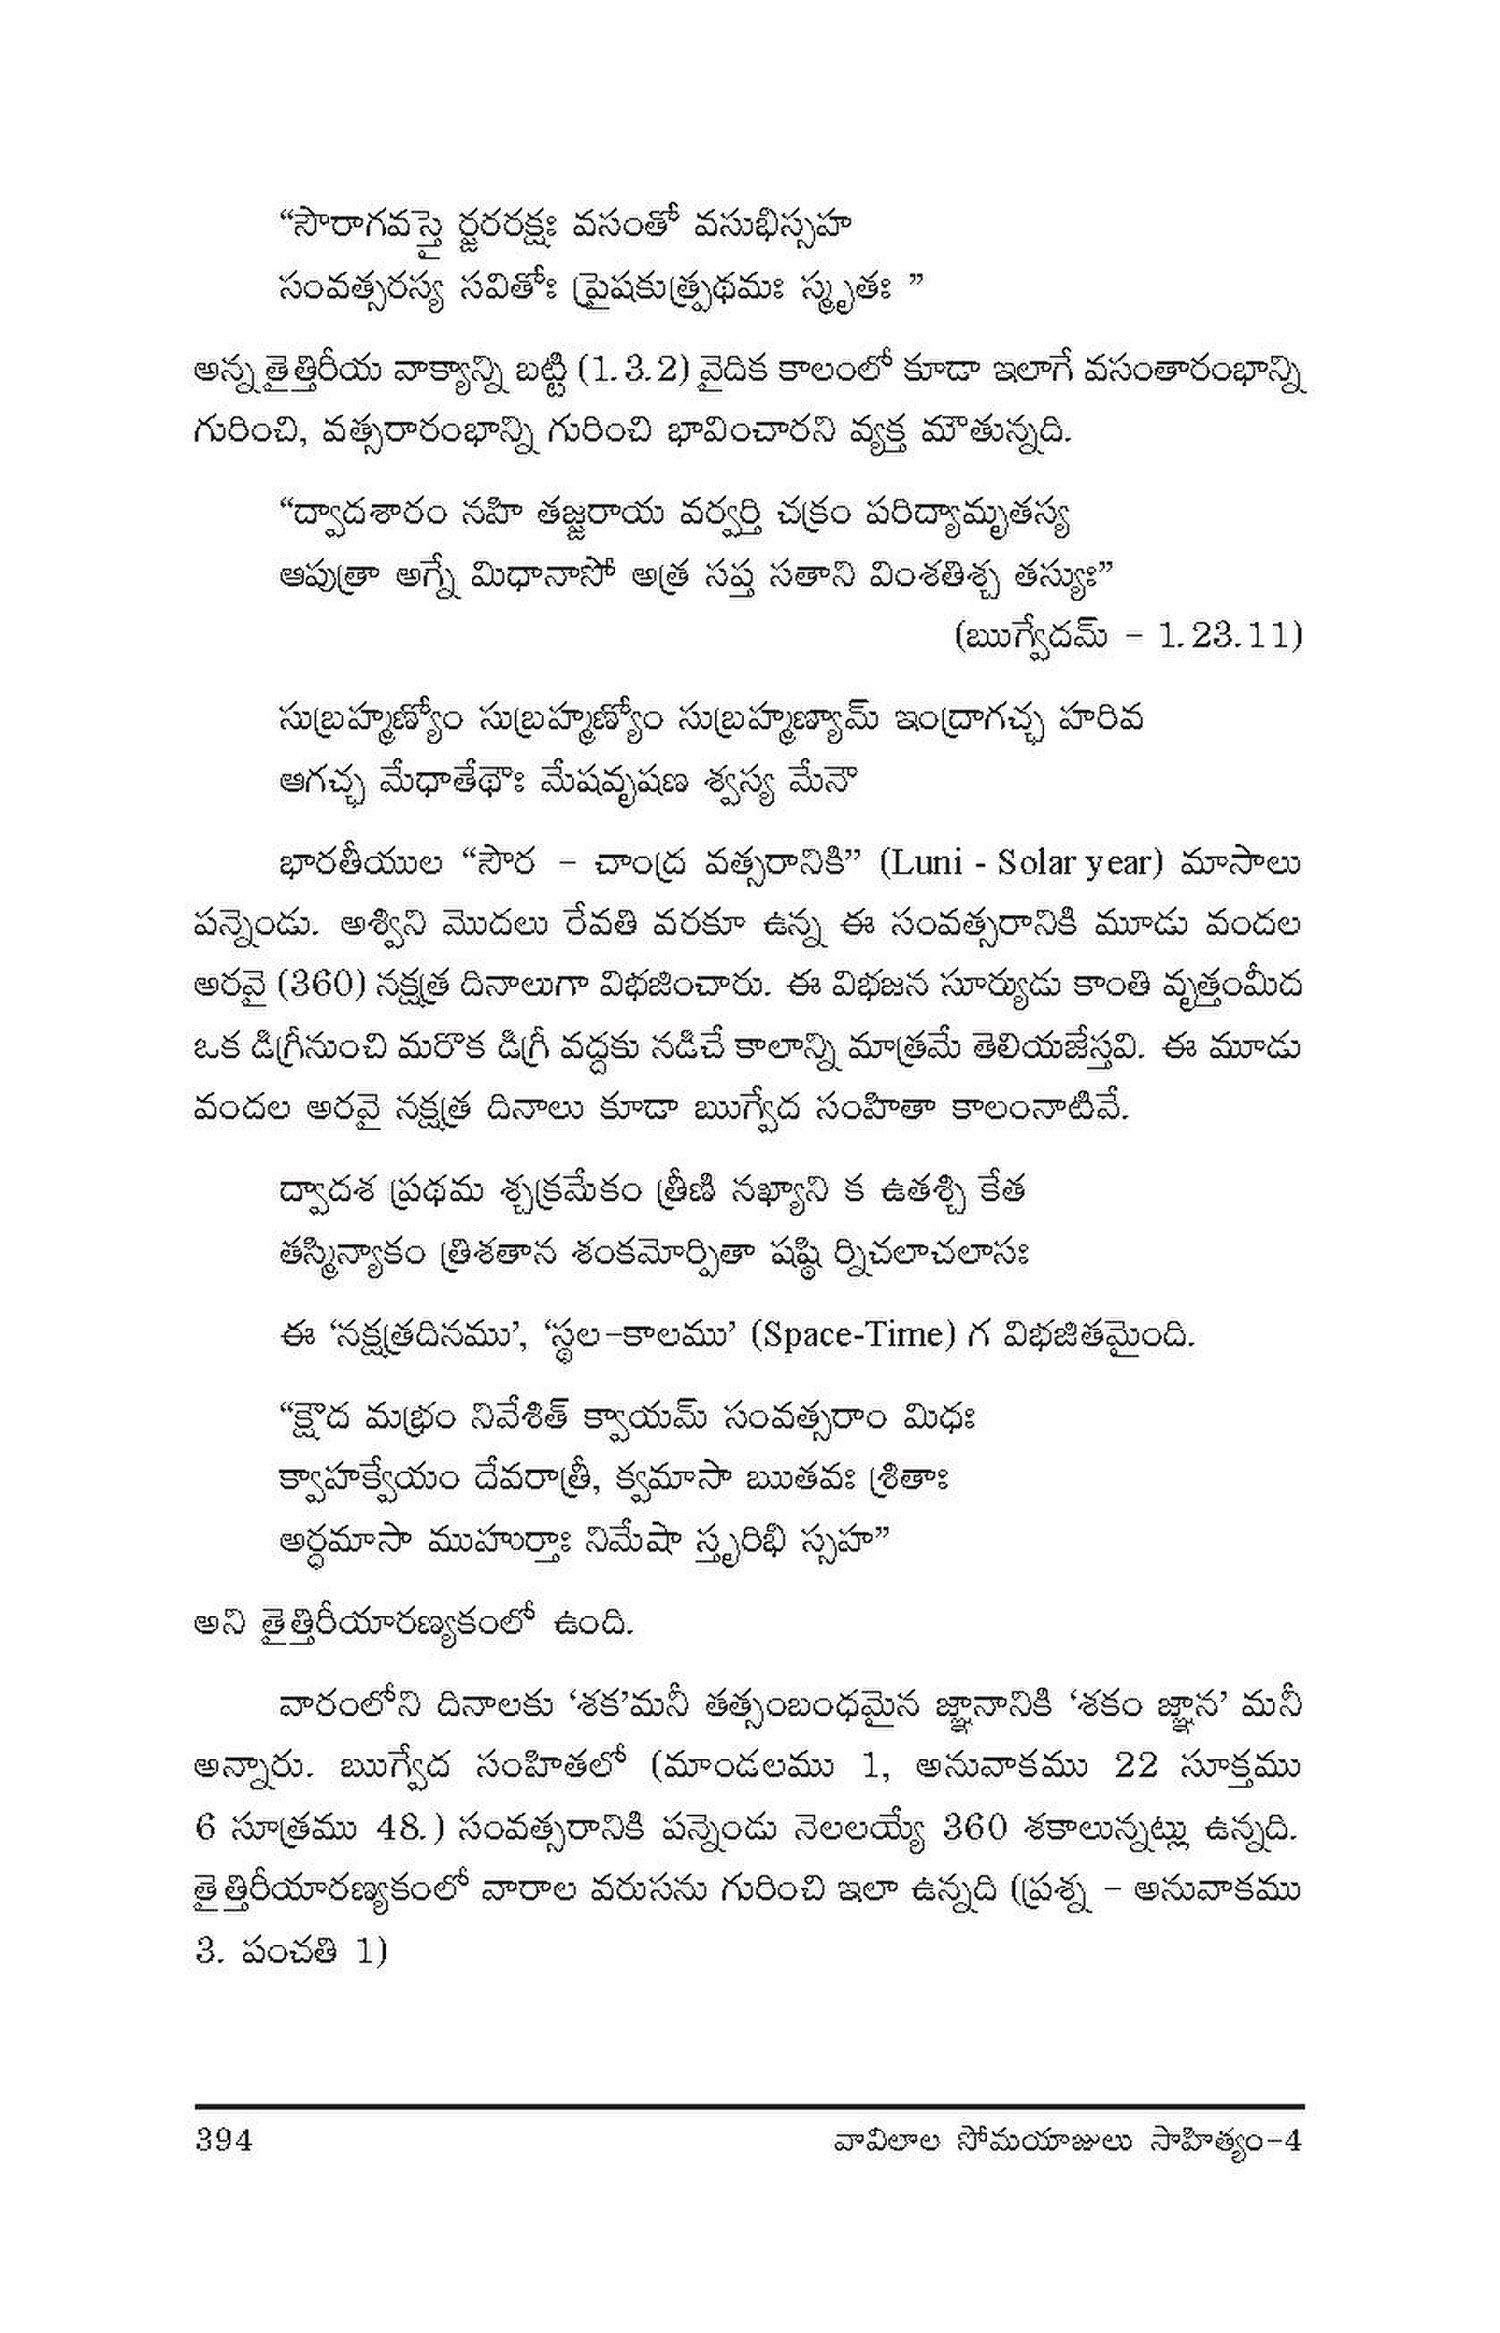“సౌరాగవస్త్రై ర్జరరక్షః వసంతో వసుభిస్సహ
సంవత్సరస్య సవితోః ప్రైషకుత్ప్రథమః స్మృతః"

అన్న తైత్తిరీయ వాక్యాన్ని బట్టి (1.3.2) వైదిక కాలంలో కూడా ఇలాగే వసంతారంభాన్ని
గురించి, వత్సరారంభాన్ని గురించి భావించారని వ్యక్త మౌతున్నది.

"ద్వాదశారం నహి తజ్జరాయ వర్వర్తి చక్రం పరిద్యామృతస్య
ఆపుత్రా అగ్నే మిధానాసో అత్ర సప్త సతాని వింశతిశ్చ తస్యుః”
(ఋగ్వేదమ్ - 1.23.11)

సుబ్రహ్మఃణ్యోం సుబ్రహ్మణ్యోం సుబ్రహ్మణ్యామ్ ఇంద్రాగచ్ఛ హరివ
ఆగచ్ఛ మేధాతేథౌః మేషవృషణ శ్వస్య మేనౌ

భారతీయుల "సౌర చాంద్ర వత్సరానికి” (Luni-Solar year) మాసాలు
పన్నెండు. అశ్విని మొదలు రేవతి వరకూ ఉన్న ఈ సంవత్సరానికి మూడు వందల
అరవై (360) నక్షత్ర దినాలుగా విభజించారు. ఈ విభజన సూర్యుడు కాంతి వృత్తంమీద
ఒక డిగ్రీనుంచి మరొక డిగ్రీ వద్దకు నడిచే కాలాన్ని మాత్రమే తెలియజేస్తవి. ఈ మూడు
వందల అరవై నక్షత్ర దినాలు కూడా ఋగ్వేద సంహితా కాలంనాటివే.

ద్వాదశ ప్రథమ శ్చక్రమేకం త్రీణి నఖ్యాని క ఉతశ్చి కేత
తస్మిన్యాకం త్రిశతాన శంకమోర్పితా షష్ఠి ర్నిచలాచలాసః

ఈ 'నక్షత్రదినము', 'స్థల-కాలము' (Space-Time) గ విభజితమైంది.

"క్షౌద మభ్రం నివేశిత్ క్వాయమ్ సంవత్సరాం మిధః
క్వాహక్వేయం దేవరాత్రీ, క్వమాసా ఋతవః శ్రితాః
అర్ధమాసా ముహుర్తాః నిమేషా సృరిభి స్సహ”

అని తైత్తిరీయారణ్యకంలో ఉంది.

వారంలోని దినాలకు 'శక'మనీ తత్సంబంధమైన జ్ఞానానికి 'శకం జ్ఞాన' మనీ
అన్నారు. ఋగ్వేద సంహితలో (మండలము 1, అనువాకము 22 సూక్తము
6 సూత్రము 48.) సంవత్సరానికి పన్నెండు నెలలయ్యే 360 శకాలున్నట్లు ఉన్నది.
తైత్తిరీయారణ్యకంలో వారాల వరుసను గురించి ఇలా ఉన్నది (ప్రశ్న - అనువాకము
3. పంచతి 1)